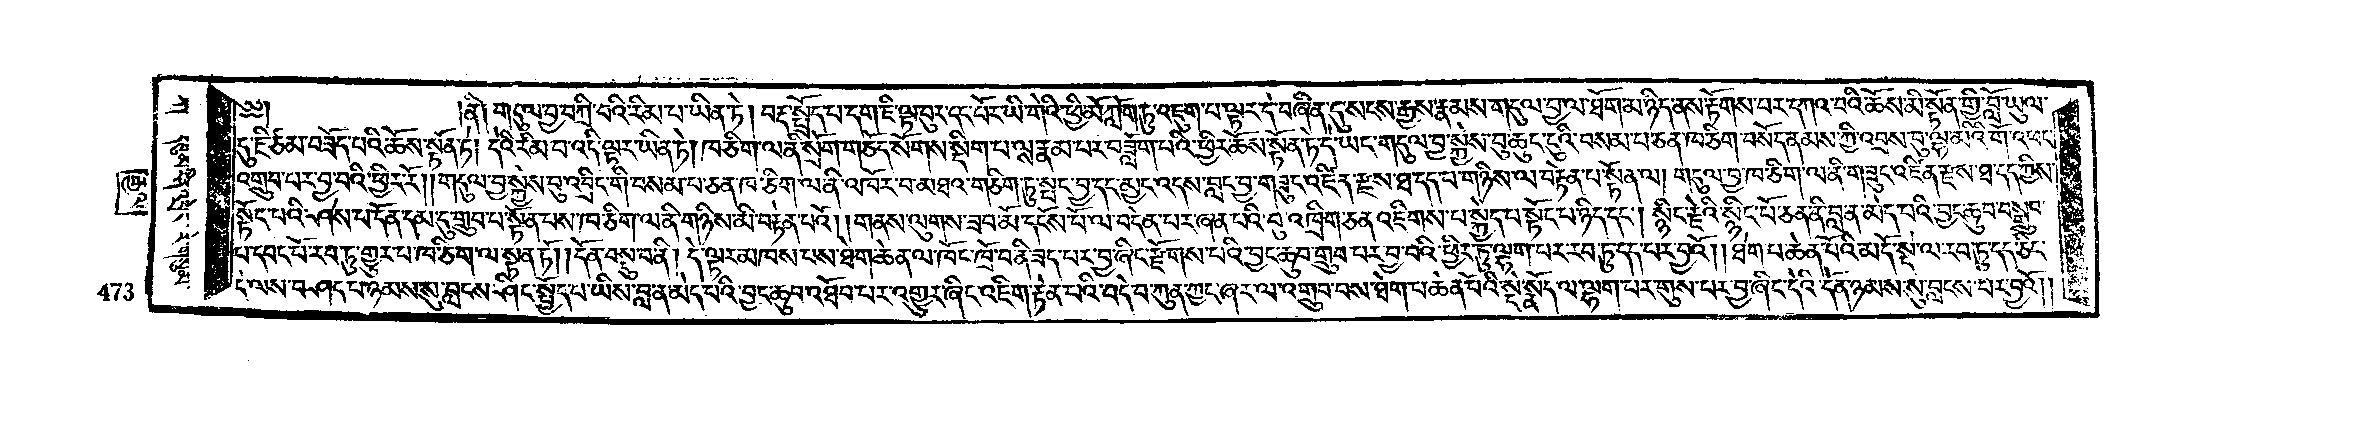༄༅། །ནི། གདུལ་བྱ་བཀྲི་བའི་རིམ་པ་ཡིན་ཏེ། བརྡ་སྤྲོད་པ་དག་ཇི་ལྟ་བུར་དང་པོར་ཡི་གེའི་ཕྱི་མོ་ཀློག་ཏུ་འཇུག་པ་ལྟར་དེ་བཞིན་དུ་སངས་རྒྱས་རྣམས་གདུལ་བྱ་ལ་ཐོག་མ་ཉིད་ནས་རྟོགས་པར་དཀའ་བའི་ཆོས་མི་སྟོན་གྱི་བློ་ཡུལ་
དུ་ཇི་ཙམ་བཟོད་པའི་ཆོས་སྟོན་ཏེ། དེའི་རིམ་པ་འདི་ལྟར་ཡིན་ཏེ། ཁ་ཅིག་ལ་ནི་སྲོག་གཅོད་སོགས་སྡིག་པ་ལས་རྣམ་པར་བཟློག་པའི་ཕྱིར་ཆོས་སྟོན་ཏེ་དེ་ཡང་གདུལ་བྱ་སྐྱེས་བུ་ཆུང་ངུའི་བསམ་པ་ཅན་ཁ་ཅིག་བསོད་ནམས་ཀྱི་འབྲས་བུ་ལྷ་མིའི་གོ་འཕང་
འགྲུབ་པར་བྱ་བའི་ཕྱིར་རོ། །གདུལ་བྱ་སྐྱེས་བུ་འབྲིང་གི་བསམ་པ་ཅན་ཁ་ཅིག་ལ་ནི་འཁོར་བ་མཐའ་གཅིག་ཏུ་སྤང་བྱ་དང་མྱང་འདས་བླང་བྱ་གཟུང་འཛིན་རྫས་ཐ་དད་པ་གཉིས་ལ་བརྟེན་པ་སྟོན་ལ། གདུལ་བྱ་ཁ་ཅིག་ལ་ནི་གཟུང་འཛིན་རྫས་ཐ་དད་ཀྱིས་
སྟོང་པའི་ཤེས་པ་དོན་དམ་དུ་གྲུབ་པ་སྟོན་པས་ཁ་ཅིག་ལ་ནི་གཉིས་མི་བརྟེན་པའོ། །གནས་ལུགས་ཟབ་མོ་དངོས་པོ་ལ་བདེན་པར་ཞན་པའི་བུ་འཁྲིག་ཅན་འཇིགས་པ་སྐྱེད་པ་སྟོང་པ་ཉིད་དང་། སྙིང་རྗེའི་སྙིང་པོ་ཅན་ནི་བླ་ན་མེད་པའི་བྱང་ཆུབ་བསྒྲུབ་
པ་དབང་པོ་རབ་ཏུ་གྱུར་པ་ཁ་ཅིག་ལ་སྟན་ཏོ། །དོན་བསྡུ་བ་ནི། དེ་ལྟར་མཁས་པས་ཐེག་ཆེན་ལ་ཁོང་ཁྲོ་བ་ནི་ཟད་པར་བྱ་ཞིང་རྫོགས་པའི་བྱང་ཆུབ་གྲུབ་པར་བྱ་བའི་ཕྱིར་ཏུ་ལྷག་པར་རབ་ཏུ་དད་པར་བྱའོ། །ཐེག་པ་ཆེན་པོའི་མདོ་སྡེ་ལ་རབ་ཏུ་དད་ཅིང་
དེ་ལས་བཤད་པ་ཉམས་སུ་བླངས་ཤིང་སྤྱོད་པ་ཡིས་བླ་ན་མེད་པའི་བྱང་ཆུབ་འཐོབ་པར་འགྱུར་ཞིང་འཇིག་རྟེན་པའི་བདེ་བ་ཀུན་ཀྱང་ཞར་ལ་འགྲུབ་པས་ཐེག་པ་ཆེན་པོའི་སྡེ་སྣོད་ལ་ལྷག་པར་གུས་པར་བྱ་ཞིང་དེའི་དོན་ཉམས་སུ་བླངས་པར་བྱའོ། །